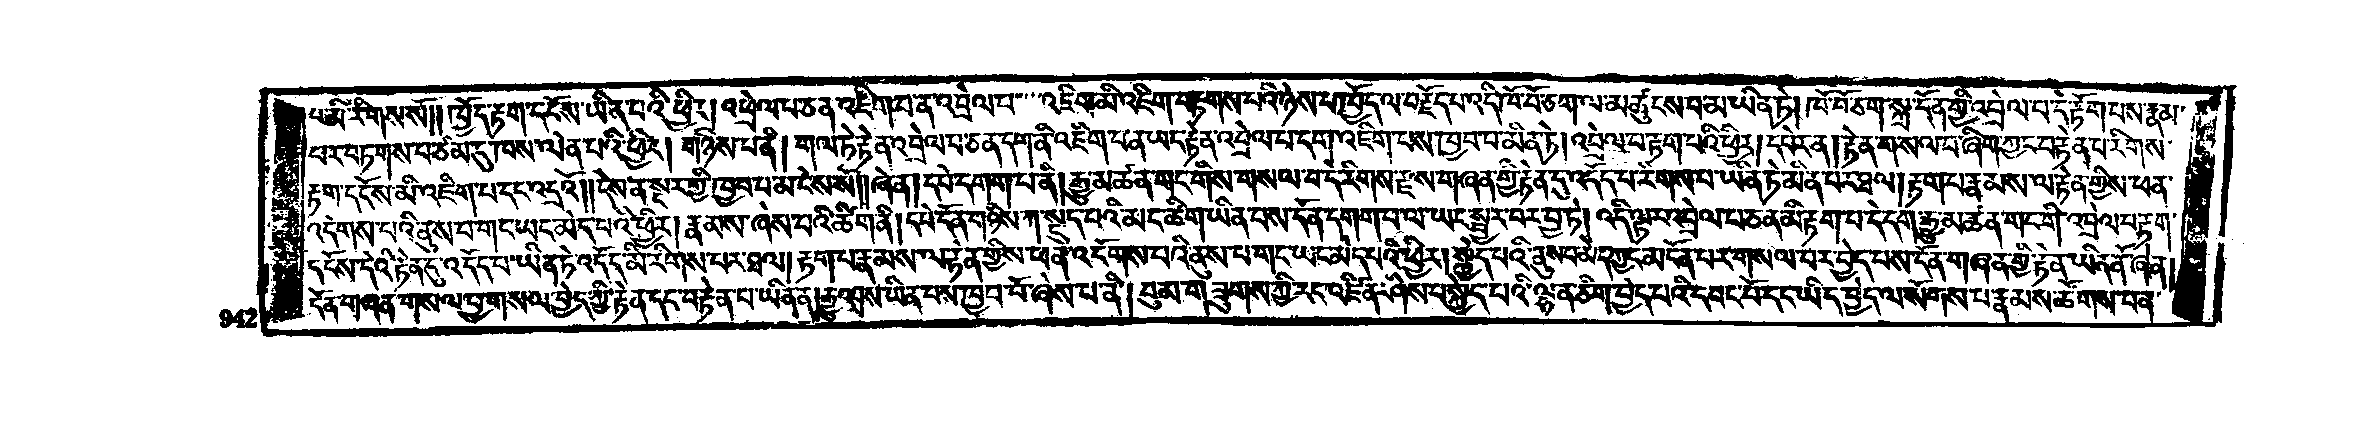པ་མི་རིགས་སོ། །ཁྱོད་རྟག་དངོས་ཡིན་པའི་ཕྱིར། འཕྲེལ་པ་ཅན་འཇིག་པ་ན་འབྲེལ་བ་འཇིག་མི་འཇིག་བརྟགས་པའི་ཉེས་པ་ཁྱོད་ལ་བརྗོད་པ་འདི་ཁོ་བོ་ཅག་ལ་མཚུངས་པ་མ་ཡིན་ཏེ། ཁོ་བོ་ཅག་སྒྲ་དོན་གྱི་འབྲེལ་བ་དེ་རྟོག་པས་རྣམ་
པར་བཏགས་པ་ཙམ་དུ་ཁས་ལེན་པའི་ཕྱིར། གཉིས་པ་ནི། གལ་ཏེ་རྟེན་འབྲེལ་བ་ཅན་དག་ནི་འཇིག་པ་ན་ཡང་རྟེན་འབྲེལ་བ་དག་འཇིག་པས་ཁྱབ་པ་མིན་ཏེ། འབྲེལ་བ་རྟག་པའི་ཕྱིར། དཔེར་ན། རྟེན་གསལ་བ་ཞིག་ཀྱང་བརྟེན་པ་རིགས་
རྟག་དངོས་མི་འཇིག་པ་དང་འདྲའོ། །དེས་ན་སྔར་གྱི་ཁྱབ་པ་མ་ངེས་སོ། །ཞེ་ན། དཔེ་དགག་པ་ནི། རྒྱུ་མཚན་གང་གིས་གསལ་བ་དེ་རིགས་རྫས་གཞན་གྱི་རྟེན་དུ་འདོད་པ་རིགས་པ་ཡིན་ཏེ་མིན་པར་ཐལ། རྟག་པ་རྣམས་ལ་རྟེན་གྱིས་ཕན་
འདོགས་པའི་ནུས་པ་གང་ཡང་མེད་པའི་ཕྱིར། རྣམས་ཞེས་པའི་ཚིག་ནི། དཔེ་དོན་གཉིས་ཀ་སྡུད་པའི་མང་ཚིག་ཡིན་པས་དོན་དགག་པ་ལ་ཡང་སྦྱར་བར་བྱ་ཏེ། འདི་ལྟར་འབྲེལ་བ་ཅན་མི་རྟག་པ་དེ་དག་རྒྱུ་མཚན་གང་གི་འབྲེལ་པ་རྟག་
དངོས་དེའི་རྟེན་དུ་འདོད་པ་ཡིན་ཏེ་འདོད་མི་རིགས་པར་ཐལ། རྟག་པ་རྣམས་ལ་རྟེན་གྱིས་ཕན་འདོགས་པའི་ནུས་པ་གང་ཡང་མེད་པའི་ཕྱིར། སྐྱེད་པའི་ནུས་པ་མེད་ཀྱང་མངོན་པར་གསལ་བར་བྱེད་པས་དོན་གཞན་གྱི་རྟེན་ཡིན་ནོ་ཞེ་ན།
དོན་གཞན་གསལ་བྱ་གསལ་བྱེད་ཀྱི་རྟེན་དང་བརྟེན་པ་ཡིན་ན། རྒྱུ་འབྲས་ཡིན་པས་ཁྱབ་པོ་ཞེས་པ་ནི། བུམ་གཟུགས་ཀྱི་རང་འཛིན་ཤེས་པ་སྐྱེད་པའི་ལྷན་ཅིག་བྱེད་པའི་དབང་པོ་དང་ཡིད་བྱེད་ལ་སོགས་པ་རྣམས་ཚོགས་པ་ན་